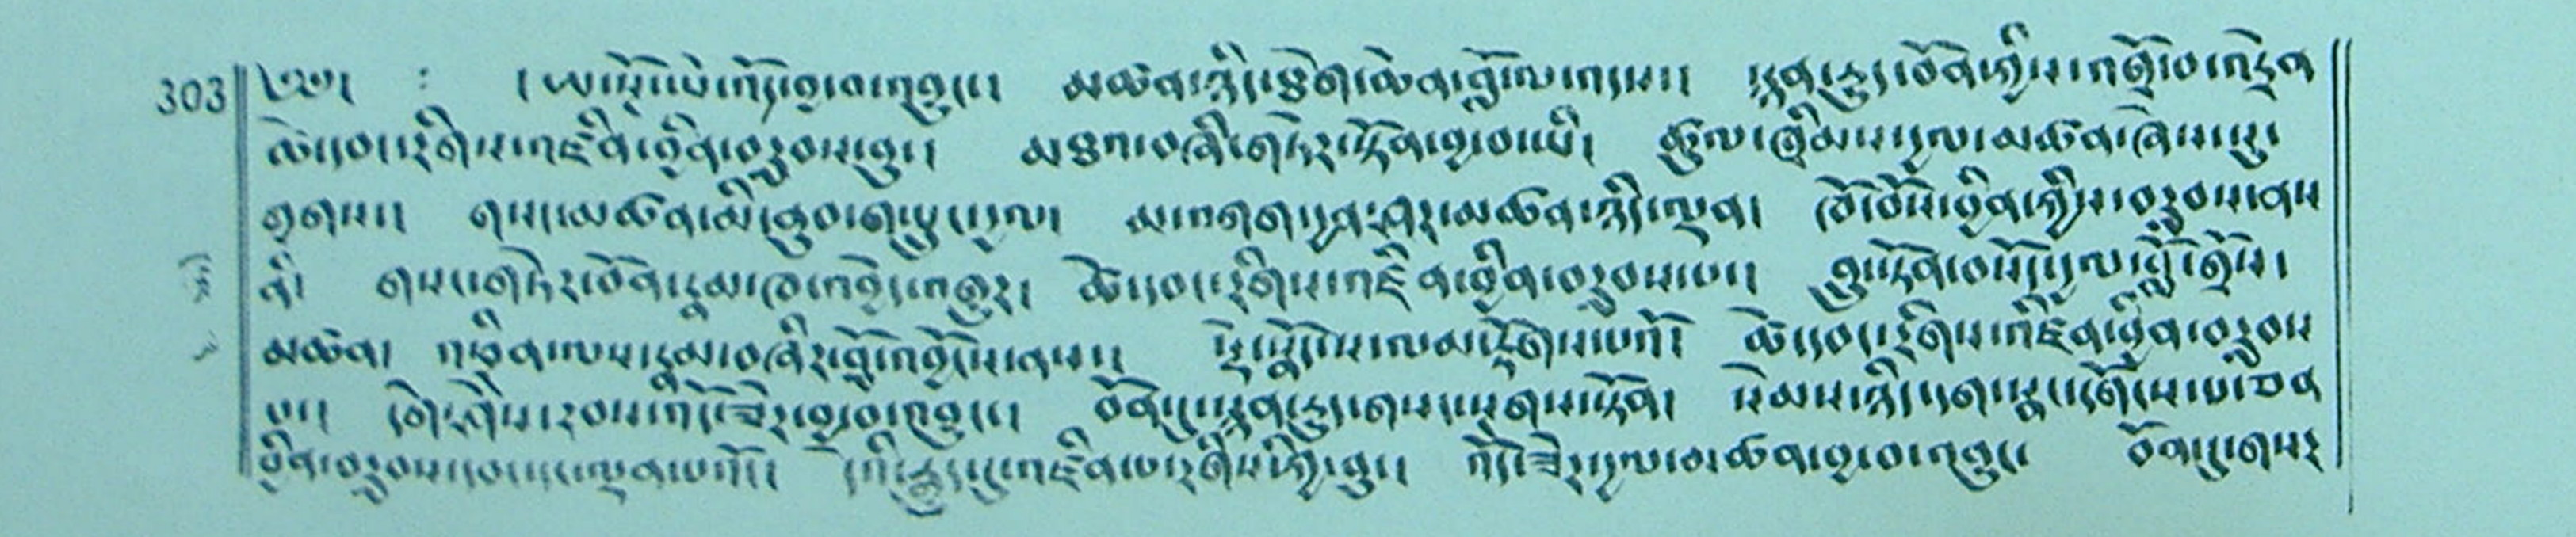༄༅། །ཨ་སྔོ་ཡེ་འོད་བྱ་བ་འབྱུང་། མཚན་ཉིད་ཐེག་ཆེན་བློ་ལ་འདས། སྙན་རྒྱུད་བོན་གྱིས་འགྲོ་བ་འདྲེན།
 ཚེ་དབང་རིགས་འཛིན་བྱིན་རླབས་བུ། མཐའ་བཞི་གཏེར་སྟོན་བྱ་བ་ཡི། ཚུལ་ཁྲིམས་རྒྱལ་མཚན་ཞེས་སུ་
གྲགས། གསང་མཚན་མི་ནུབ་གཡུང་དྲུང་རྒྱལ། མ་འགག་རྒྱན་ཤར་མཚན་ཉིད་ལྡན། ཁོ་བོས་བྱིན་གྱིས་རླབས་ནས་
ནི། གསང་གཏེར་བོན་རྣམས་ཁ་འབྱེད་འགྱུར། ཚེ་དབང་རིགས་འཛིན་བྱིན་རླབས་བུ། བྲུ་སྟོན་བསོད་རྒྱལ་བློ་གྲོས་
མཚན། ཕྲིན་ལས་རྣམ་བཞིར་བློ་འབྱོངས་ནས། སྡེ་སྣོད་ས་ལམ་རྟོགས་པ་འོང་། ཚེ་དབང་རིགས་འཛིན་བྱིན་རླབས་
བུ། དགེ་ཤེས་རབ་འོད་ཟེར་བྱ་བ་འབྱུང་། བོན་དུ་སྙན་་རྒྱུད་གསང་སྔགས་སྟོན། སེམས་ཉིད་དག་སྣང་དགོངས་པ་ཅན།
 བྱིན་རླབས་དབང་དང་ལྡན་པ་འོང་། དེ་ཡི་རྒྱུད་འཛིན་རིགས་ཀྱི་བུ། འོད་ཟེར་རྒྱལ་མཚན་བྱ་བ་འབྱུང་། བོན་དུ་གསར་